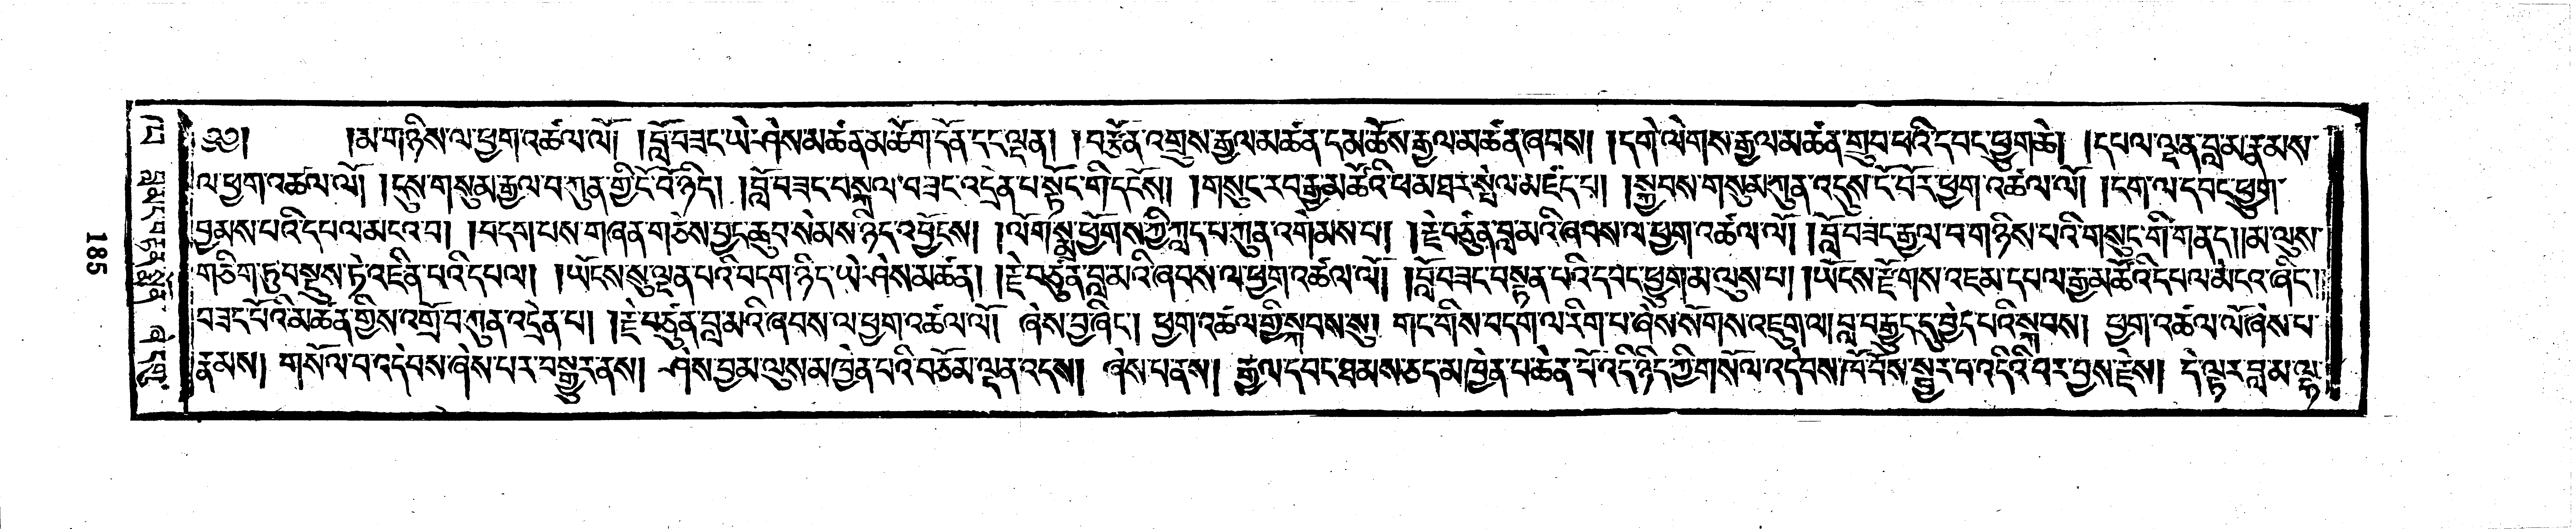༄༅། །མ་གཉིས་ལ་ཕྱག་འཚལ་ལོ། །བློ་བཟང་ཡེ་ཤེས་མཚན་མཆོག་དོན་དང་ལྡན། །བརྩོན་འགྲུས་རྒྱལ་མཚན་དམ་ཆོས་རྒྱལ་མཚན་ཞབས། །དགེ་ལེགས་རྒྱལ་མཚན་གྲུབ་པའི་དབང་ཕྱུག་ཆེ། །དཔལ་ལྡན་བླ་མ་རྣམས་
ལ་ཕྱག་འཚལ་ལོ། །དུས་གསུམ་རྒྱལ་པ་ཀུན་གྱི་ངོ་བོ་ཉིད། །བློ་བཟང་བསྐལ་བཟང་འདྲེན་པ་སྟོང་གི་དངོས། །གསུང་རབ་རྒྱ་མཚོའི་ཕ་མཐར་སྤེལ་མཛད་པ། །སྐྱབས་གསུམ་ཀུན་འདུས་ངོ་བོར་ཕྱག་འཚལ་ལོ། །ངག་ལ་དབང་ཕྱུག་
བྱམས་པའི་དཔལ་མངའ་བ། །བདག་པས་གཞན་གཅེས་བྱང་ཆུབ་སེམས་ཉིད་འབྱོངས། །ལོག་སྨྲ་ཕྱོགས་ཀྱི་ཀླད་པ་ཀུན་འགེམས་པ། །རྗེ་བཙུན་བླ་མའི་ཞབས་ལ་ཕྱག་འཚལ་ལོ། །བློ་བཟང་རྒྱལ་ག་གཉིས་པའི་གསུང་གི་གནད། །མ་ལུས་
གཅིག་ཏུ་བསྡུས་ཏེ་འཛིན་པའི་དཔལ། །ཡོངས་སུ་ལྡན་པའི་བདག་ཉིད་ཡེ་ཤེས་མཚན། །རྗེ་བཙུན་བླ་མའི་ཞབས་ལ་ཕྱག་འཚལ་ལོ། །བློ་བཟང་བསྟན་པའི་དབང་ཕྱུག་མ་ལུས་པ། །ཡོངས་རྫོགས་འཇམ་དཔལ་རྒྱ་མཚོའི་དཔལ་མངའ་ཞིང།།
བཟང་པོའི་མཚན་གྱིས་འགྲོ་བ་ཀུན་འདྲེན་པ། །རྗེ་བཙུན་བླ་མའི་ཞབས་ལ་ཕྱག་འཚལ་ལོ། ཞེས་བྱ་ཞིང་། ཕྱག་འཚལ་གྱི་སྐབས་སུ། གང་གིས་བདག་ལ་རིག་པ་ཞེས་སོགས་འཇུག་ལ། བླ་བརྒྱུད་དུ་བྱེད་པའི་སྐབས། །ཕྱག་འཚལ་ལོ་ཞེས་པ་
རྣམས། གསོལ་བ་འདེབས་ཞེས་པར་བསྒྱུར་ནས། ཤེས་བྱམ་ལུས་མཁྱེན་པའི་བཅོམ་ལྡན་འདས། ཞེས་པ་ནས། རྒྱལ་དབང་ཐམས་ཅད་མཁྱེན་པ་ཆེན་པོ་འདི་ཉིད་ཀྱི་གསོལ་འདེབས་ཁོ་བོས་སྦྱར་བ་འདིའི་བར་བྱས་རྗེས། དེ་ལྟར་བླ་མ་ལྷ་